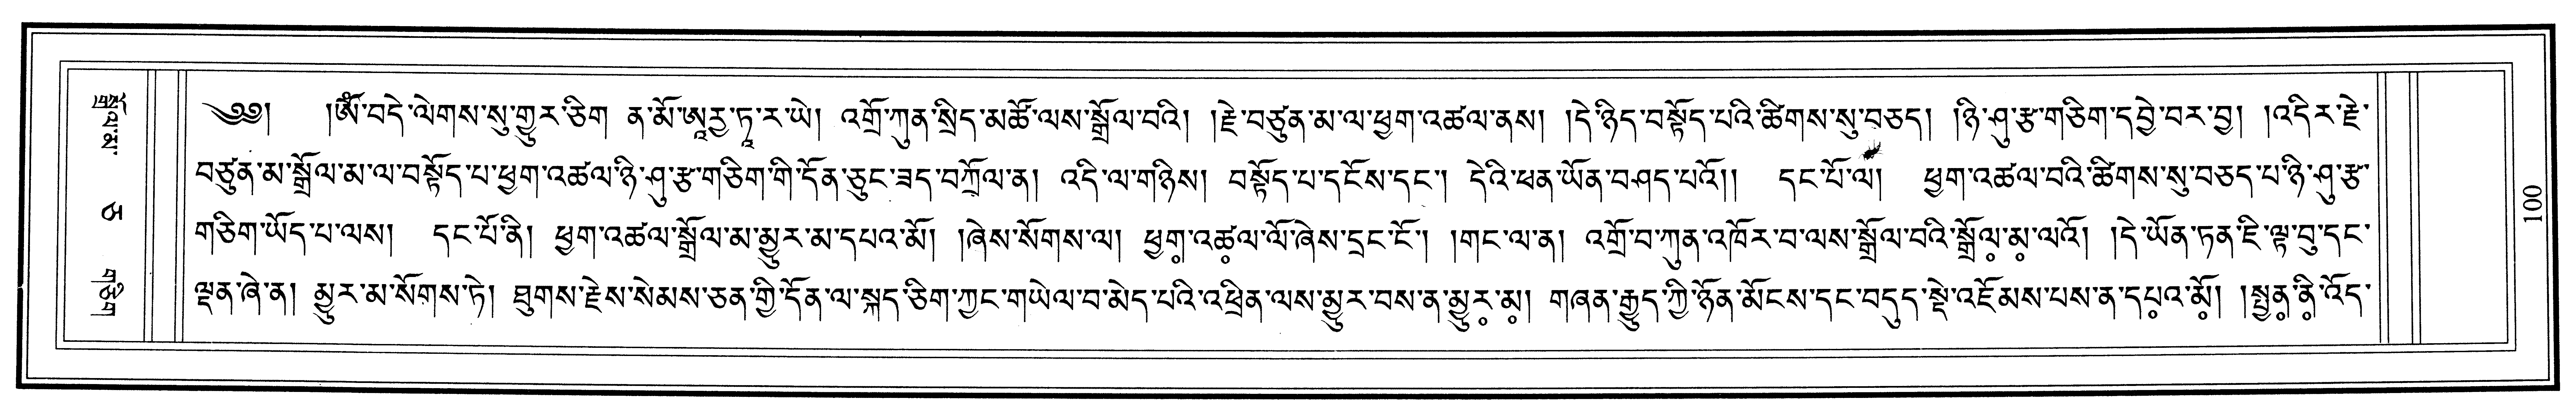༄༅། །ཨོཾ་བདེ་ལེགས་སུ་གྱུར་ཅིག་ན་མོ་ཨཱརྱ་ཏཱ་ར་ཡེ། འགྲོ་ཀུན་སྲིད་མཚོ་ལས་སྒྲོལ་བའི། །རྗེ་བཙུན་མ་ལ་ཕྱག་འཚལ་ནས། །དེ་ཉིད་བསྟོད་པའི་ཚིགས་སུ་བཅད། །ཉི་ཤུ་རྩ་གཅིག་དབྱེ་བར་བྱ། །འདིར་རྗེ་
བཙུན་མ་སྒྲོལ་མ་ལ་བསྟོད་པ་ཕྱག་འཚལ་ཉི་ཤུ་རྩ་གཅིག་གི་དོན་ཅུང་ཟད་བཀྲོལ་ན། འདི་ལ་གཉིས། བསྟོད་པ་དངོས་དང་། དེའི་ཕན་ཡོན་བཤད་པའོ།། དང་པོ་ལ། ཕྱག་འཚལ་བའི་ཚིགས་སུ་བཅད་པ་ཉི་ཤུ་རྩ་
གཅིག་ཡོད་པ་ལས། དང་པོ་ནི། ཕྱག་འཚལ་སྒྲོལ་མ་མྱུར་མ་དཔའ་མོ། །ཞེས་སོགས་ལ། ཕྱག་འཚལ་ལོ་ཞེས་དྲང་ངོ། །གང་ལ་ན། འགྲོ་བ་ཀུན་འཁོར་བ་ལས་སྒྲོལ་བའི་སྒྲོལ་མ་ལའོ། །དེ་ཡོན་ཏན་ཇི་ལྟ་བུ་དང་
ལྡན་ཞེ་ན། མྱུར་མ་སོགས་ཏེ། ཐུགས་རྗེས་སེམས་ཅན་གྱི་དོན་ལ་སྐད་ཅིག་ཀྱང་གཡེལ་བ་མེད་པའི་འཕྲིན་ལས་མྱུར་བས་ན་མྱུར་མ། གཞན་རྒྱུད་ཀྱི་ཉོན་མོངས་དང་བདུད་སྡེ་འཇོམས་པས་ན་དཔའ་མོ། །སྤྱན་ནི་འོད་